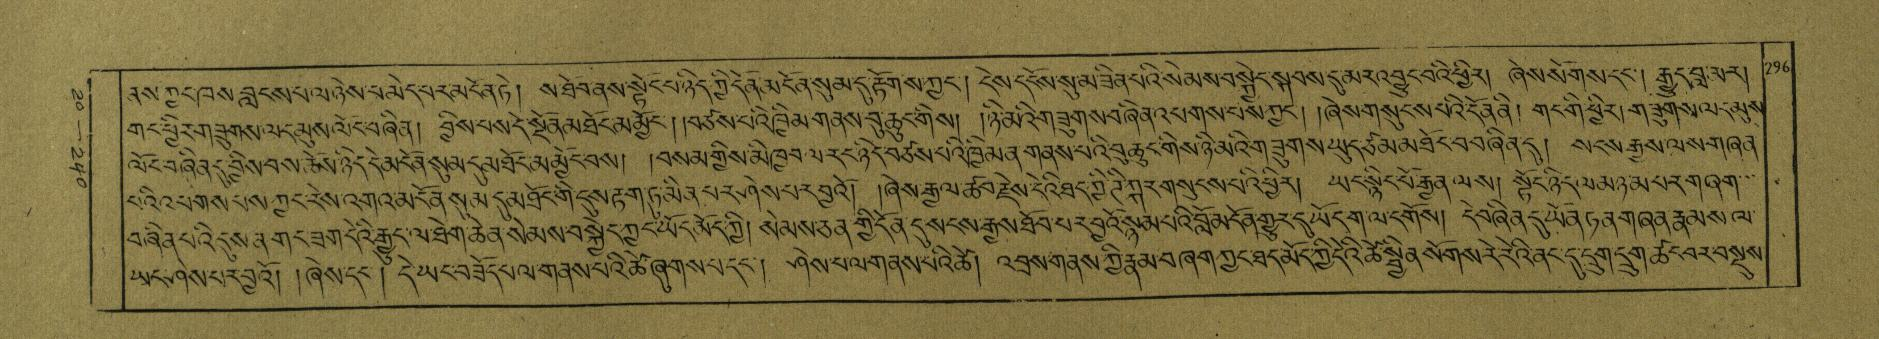ནས་ཀྱང་ཁས་བླངས་པ་ལ་ཉེས་པ་མེད་པར་མངོན་ཏེ། ས་ཐོབ་ནས་སྟོང་པ་ཉིད་ཀྱི་དོན་མངོན་སུམ་དུ་རྟོགས་ཀྱང་། དེས་དངོས་སུ་མ་ཟིན་པའི་སེམས་བསྐྱེད་སྐབས་དུ་མར་འབྱུང་བའི་ཕྱིར། ཞེས་སོགས་དང་། རྒྱུད་བླ་མར།
གང་ཕྱིར་གཟུགས་ལ་དམུས་ལོང་བཞིན། བྱིས་པས་དེ་སྔོན་མཐོང་མ་མྱོང་། །བཙས་པའི་ཁྱིམ་གནས་བུ་ཆུང་གིས། །ཉི་མའི་གཟུགས་བཞིན་འཕགས་པས་ཀྱང་། །ཞེས་གསུངས་པའི་དོན་ནི། གང་གི་ཕྱིར། གཟུགས་ལ་དམུས་
ལོང་བཞིན་དུ་བྱིས་བས་ཆོས་ཉིད་དེ་མངོན་སུམ་དུ་མཐོང་མ་མྱོང་བས། །བསམ་གྱིས་མི་ཁྱབ་ལ་རང་ཉིད་བཙས་པའི་ཁྱིམ་ན་གནས་པའི་བུ་ཆུང་གིས་ཉི་མའི་གཟུགས་ཡུད་ཙམ་མཐོང་བ་བཞིན་དུ། སངས་རྒྱས་ལས་གཞན་
པའི་འཕགས་པས་ཀྱང་རེས་འགའ་མངོན་སུམ་དུ་མཐོང་གི་དུས་རྟག་ཏུ་མིན་པར་ཤེས་པར་བྱའོ། །ཞེས་རྒྱལ་ཚབ་རྗེས་དེའི་ཐད་ཀྱི་ཊིཀྐར་གསུངས་པའི་ཕྱིར། ཡང་སྙིང་པོ་རྒྱན་ལས། སྟོང་ཉིད་ལ་མཉམ་པར་གཞག་
བཞིན་པའི་དུས་ན་གང་ཟག་དེའི་རྒྱུད་ལ་ཐེག་ཆེན་སེམས་བསྐྱེད་ཀྱང་ཡོད་མོད་ཀྱི། སེམས་ཅན་གྱི་དོན་དུ་སངས་རྒྱས་ཐོབ་པར་བྱའོ་སྙམ་པའི་བློ་མངོན་གྱུར་དུ་ཡོད་ག་ལ་དགོས། དེ་བཞིན་དུ་ཡོན་ཏན་གཞན་རྣམས་ལ་
ཡང་ཤེས་པར་བྱའོ། །ཞེས་དང་། དེ་ཡང་བཟོད་པ་ལ་གནས་པའི་ཚེ་ཞུགས་པ་དང་། ཤེས་པ་ལ་གནས་པའི་ཚེ། འབྲས་གནས་ཀྱི་རྣམ་བཞག་ཀྱང་ཐད་མོད་ཀྱི་དེའི་ཚེ་སྦྱིན་སོགས་རེ་རེའི་ནང་དུ་དྲུག་དྲུག་ཚང་བར་བསྡུས་